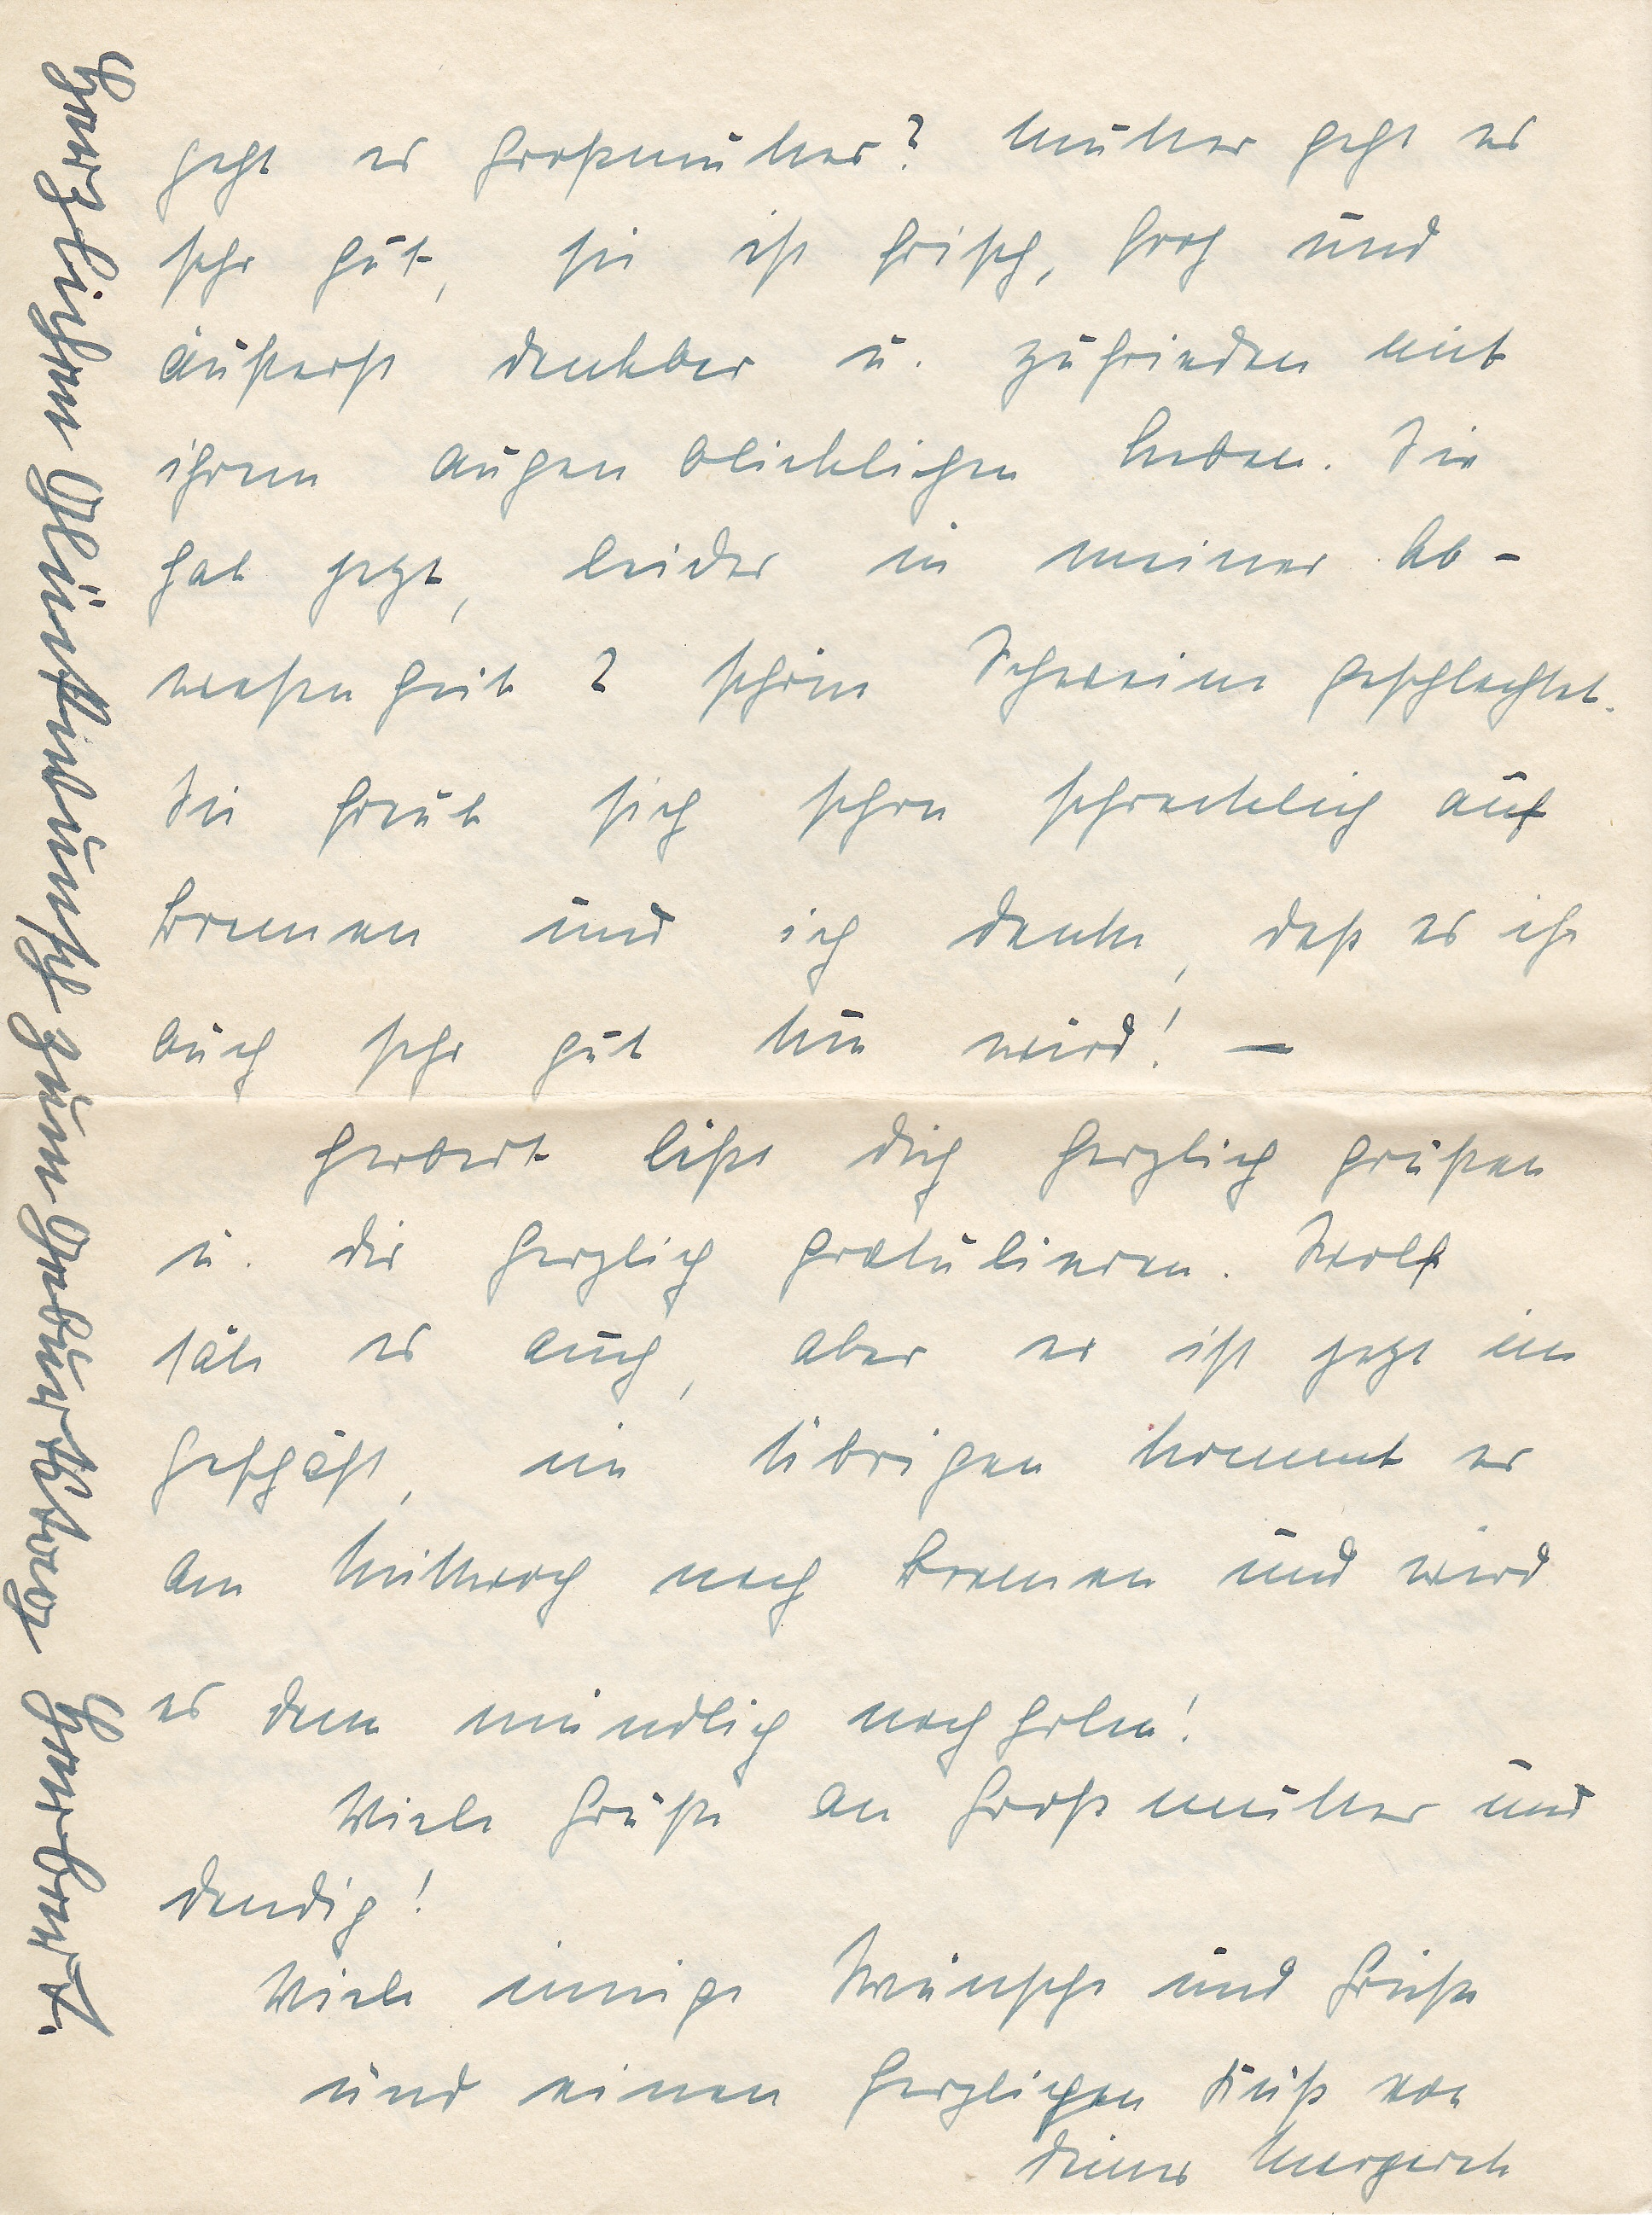geht es Großmutter? Mutter geht es
sehr gut, sie ist frisch froh und
äußerst dankbar u. zufrieden mit
ihrem augenblicklichen Leben Sie
hat jetzt, leider in meiner Ab-
wesenheit 2 schöne Schweine geschlachtet.
Sie freut sich schon schrecklich auf
Bremen und ich denke, daß es ihr
auch sehr gut tun wird! -
Herbert läßt Dich herzlich grüßen
u. Dir herzlich gratulieren. Wolf
täte es auch, aber er ist jetzt im
Geschäft, im Übrigen kommt er
am Mittwoch nach Bremen und wird
es den nun endlich nach Berlin!
Viele Grüße an Großmutter und
dundig!
Viele innige Wünsche und Grüße
und einen herzlichen Kuß von
Margarete
Deiner